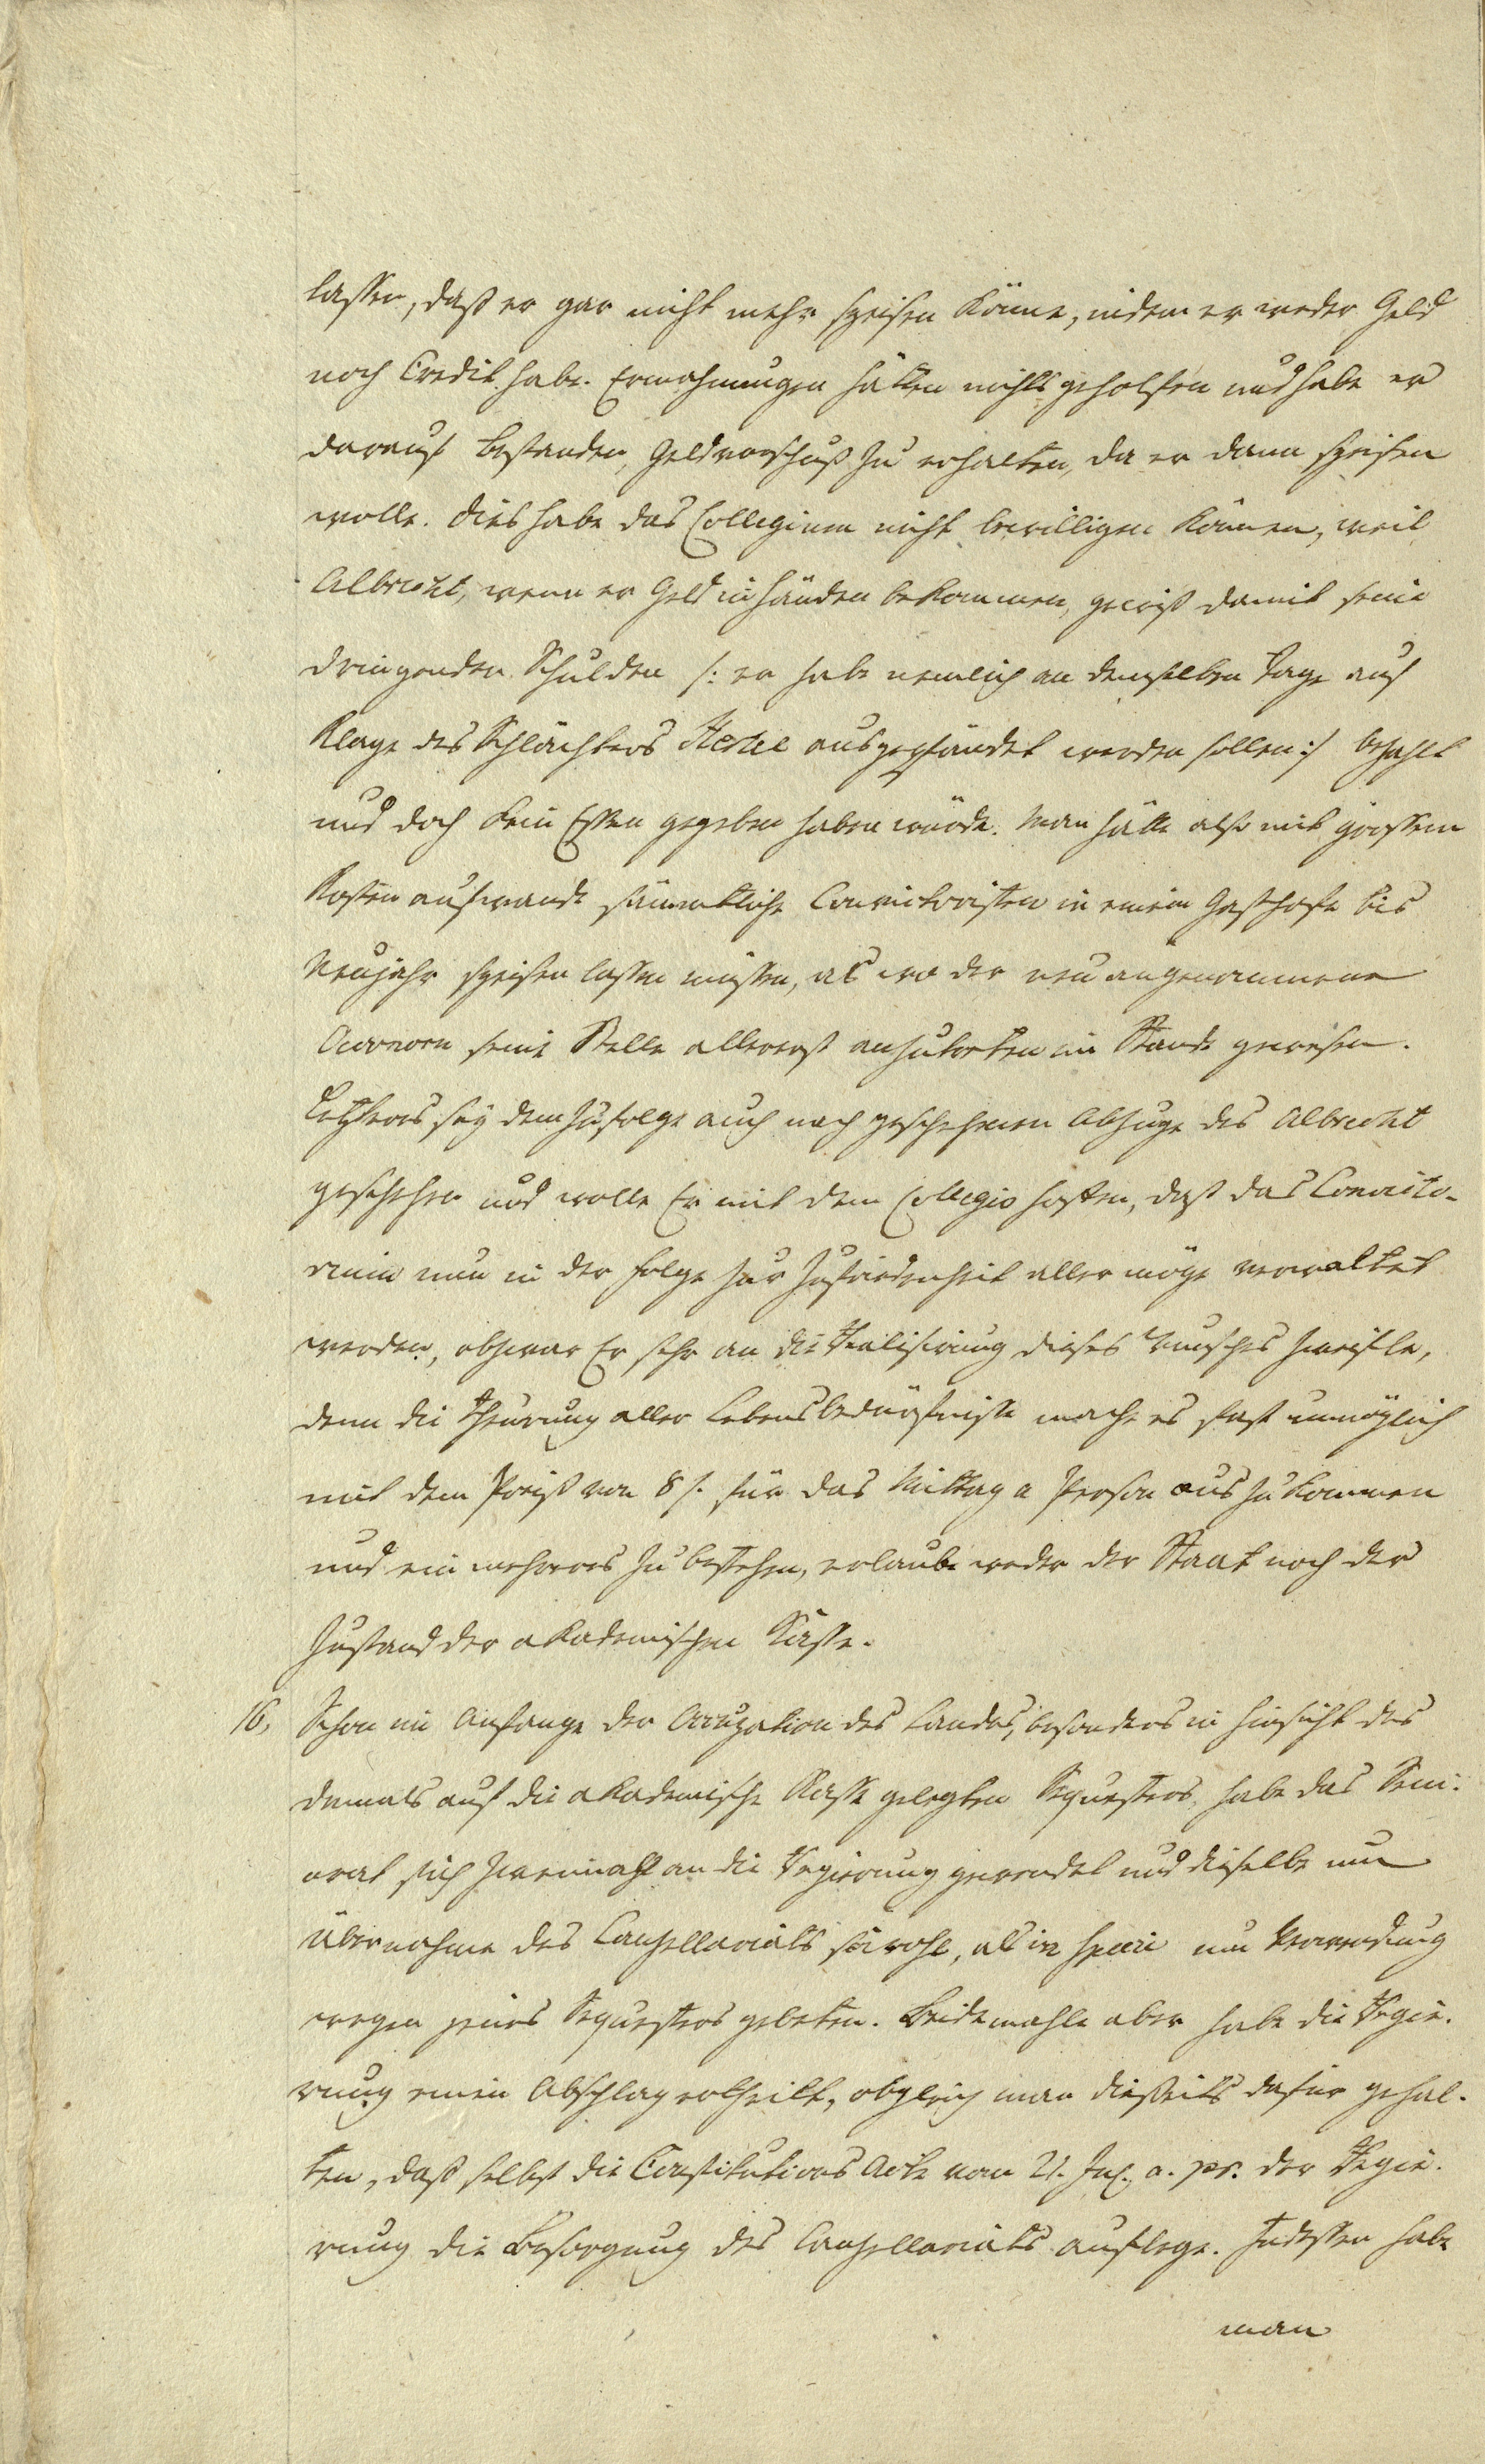lassen, daß er gar nicht mehr speisen könne, indem er weder Geld
noch Credit habe. Ermahnungen hätten nicht geholfen und habe er
darauf bestanden, Geldvorschuß zu erhalten, da er dann speisen
wolle. Dies habe das Collegium nicht bewilligen können, weil
Albrecht, wenn er Geld in Händen bekommen, gewiß damit seine
dringenden Schulden /: er habe nemlich an demselben Tage auf
Klage des Schlächters Hertel ausgepfändet werden sollen :/ bezahlt
und doch kein Essen gegeben haben würde. Man hätte also mit grossem
Kostenaufwandt sämmtliche Convictoristen in einem Gasthofe bis
Neujahr speisen lassen müssen, als wo der neu angenommene
Oeconom seine Stelle allererst anzutreten im Stande gewesen.
Letztens seÿ demzufolge auch nach geschehenen Abzuge des Albrecht
geschehen und wolle Er mit dem Collegio hofen, daß das Convicto¬
rium nun in der Folge zur Zufriedenheit aller möge verwaltet
werden, obzwar Er sehr an die Realisirung dieses Wunsches zweifle,
denn die Theurung aller Lebensbedürfnisse mache es fast unmöglich,
mit dem Preis von 8 s. für das Mittag a Person aus zu kommen
und ein mehreres zu bestehen, erlaube weder der Staat noch der
Zustand der akademischen Kasse.
16, Schon im Anfange der Occupation des Landes, besonders in Hinsicht des
damals auf die akademische Kasse gelegen Sequesters, habe das Seni¬
orat sich zweimahl an die Regierung gewendet und dieselbe um
Übernahme des Canzellariats sowohl, als in specie um Verwendung
wegen jene Sequesters gebethen. Beidemahle aber habe die Regie¬
rung einen Abschlag ertheilt, obgleich man dieseits dafür gehal¬
ten, daß selbst die Constitutions Acte vom 21. Jul. a. pr. der Regie¬
rung die Besorgung des Cazellariats auflege. Indessen habe
man